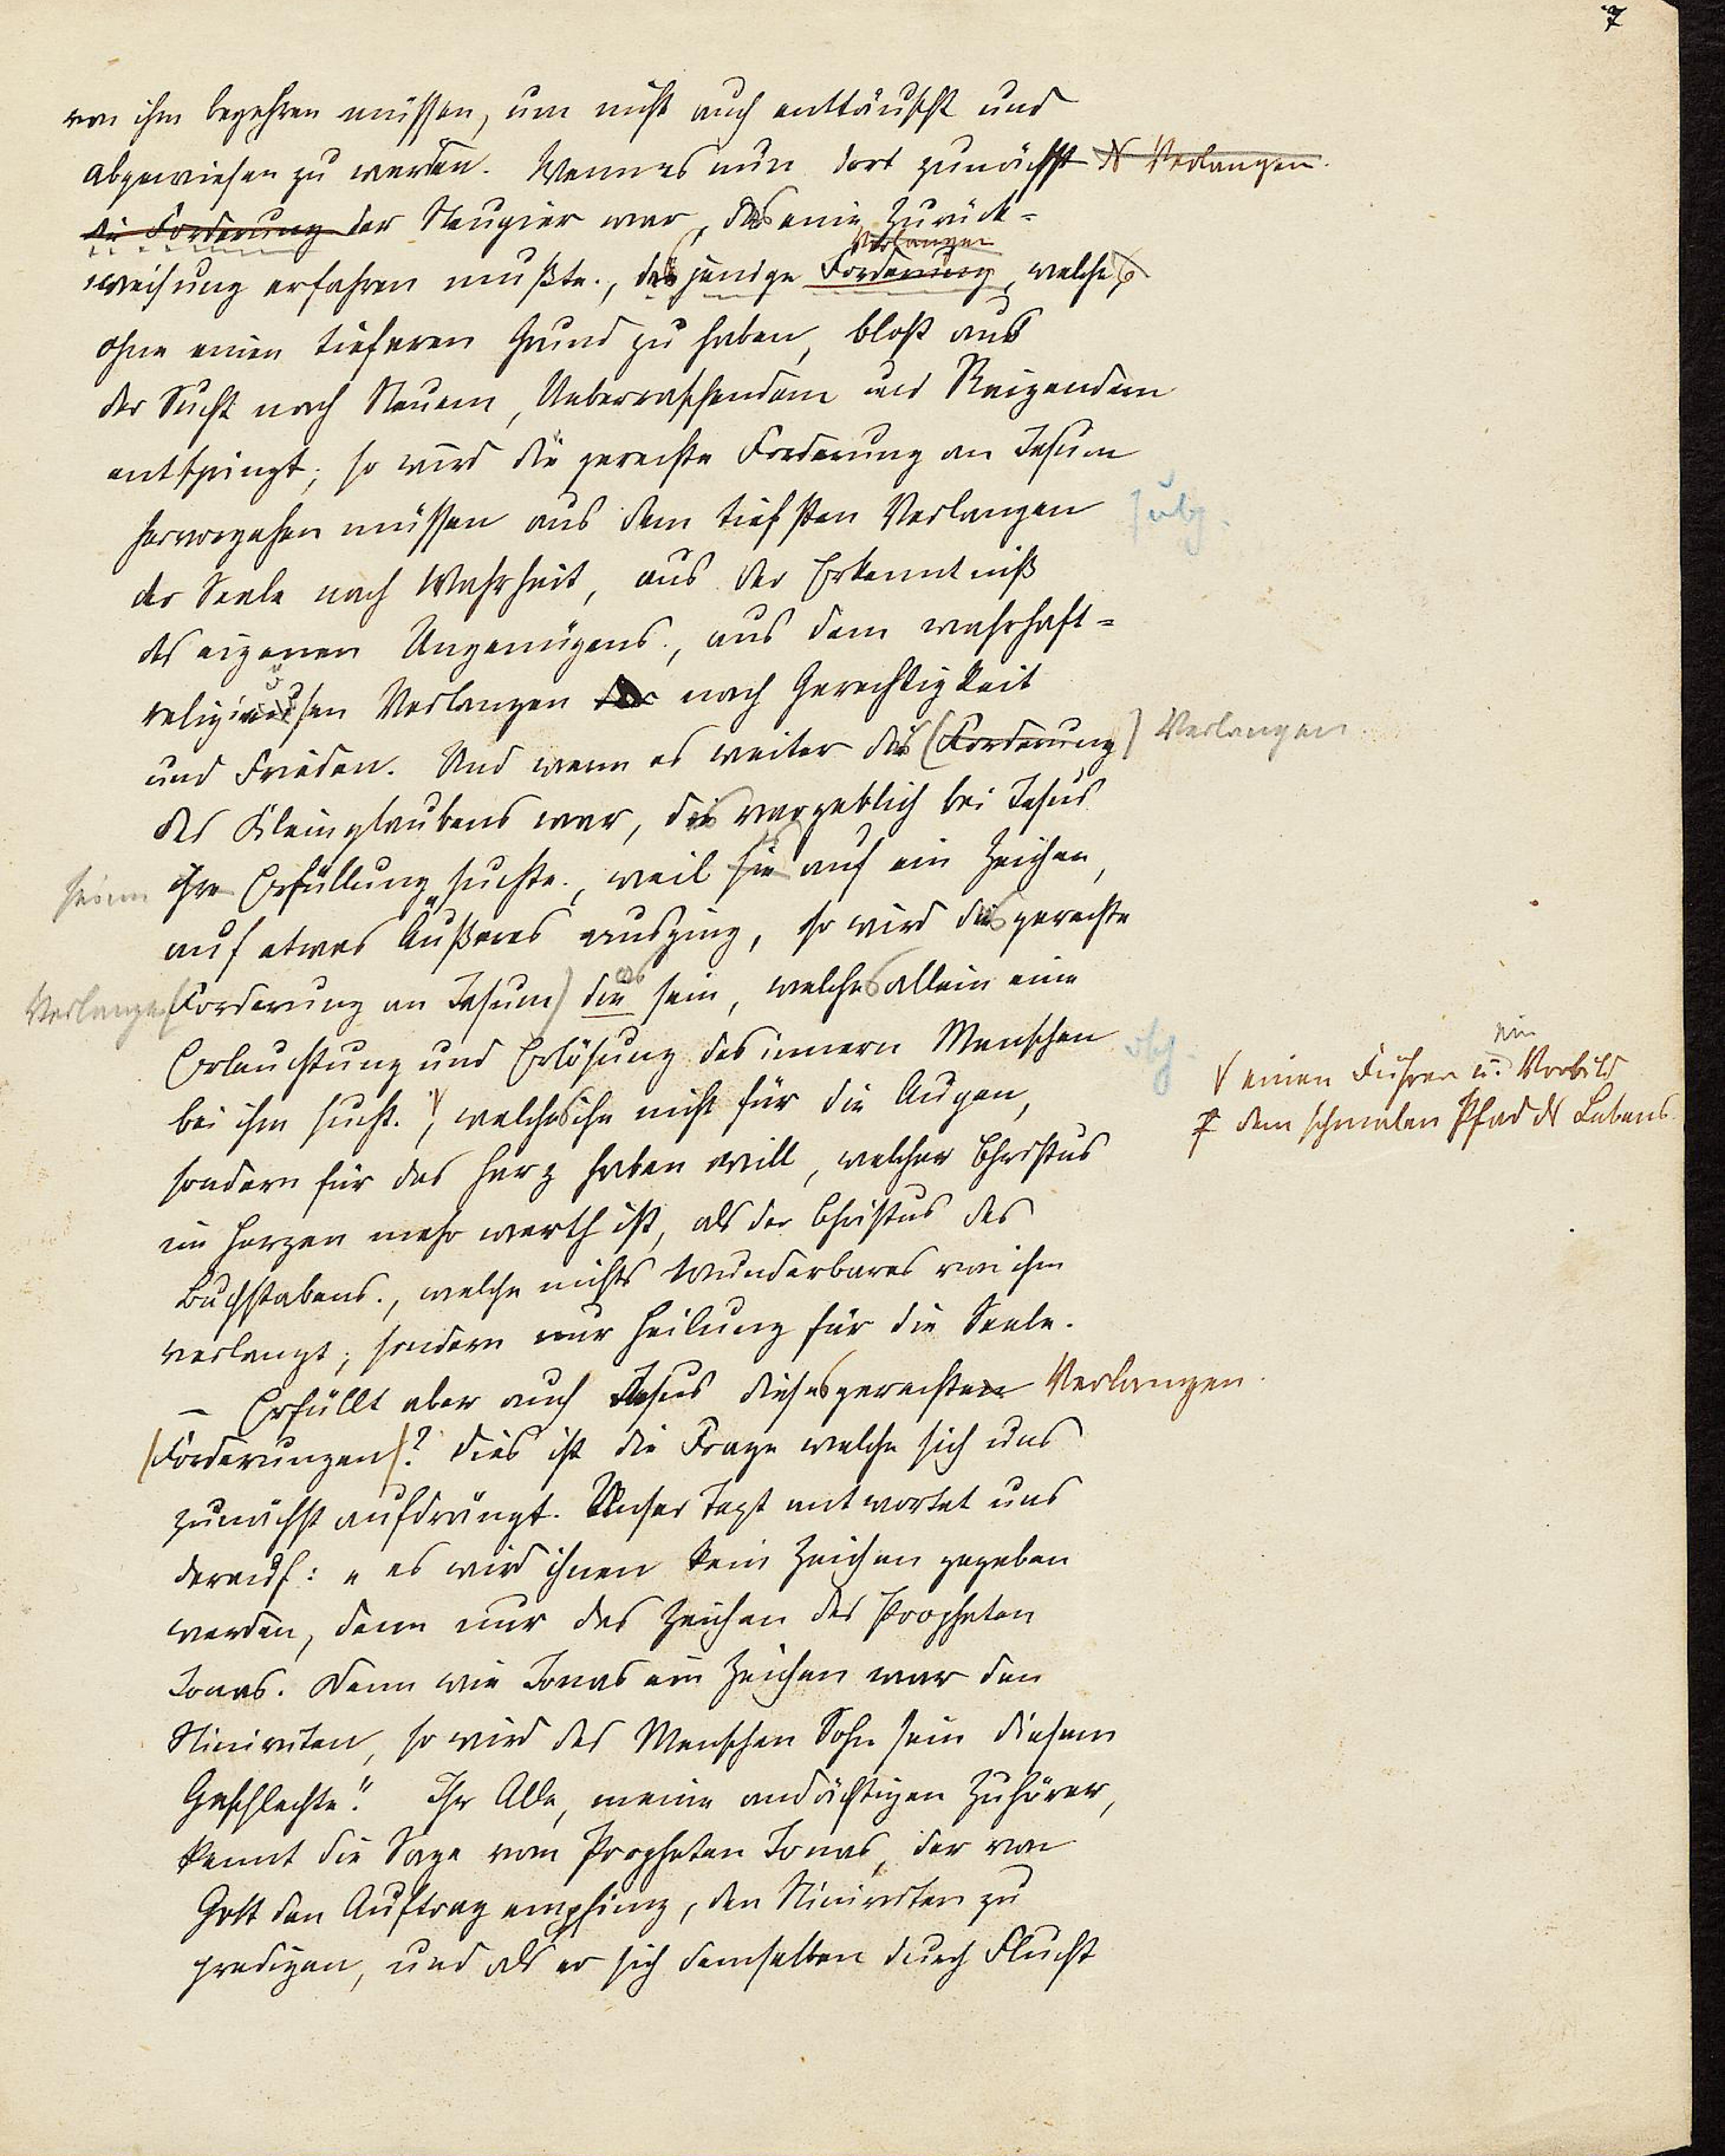von ihm begehren müssen, um nicht auch enttäuscht und
abgewiesen zu werden. Wenn es nun dort zunächst das Verlangen
die Forderung der Neugier war, das eine Zurück¬
Verlangen
weisung erfahren musste, das jenige Forderung, welche's
ohne einen tieferen Gund zu haben, bloß aus
der Sucht nach Neuem, Ueberraschendem und Reinigendem
entspringt, so wird die gerechte Forderung an Jesum
ubg.
hervorgehen müssen aus dem tiefsten Verlangen
der Seele nach Wahrheit, aus der Erkenntniß
des eigenen Ungenügens, aus dem wahrhaft¬
religieusen Verlangen der nach Gerechtigkeit
V Verlangen.
und Frieden. Und wenn es weiter des (Forderung)
des Kleinglaubens war, das vergeblich bei Jesus
seinen ihre Erfüllung suchte, weil sie auf ein Zeichen,
auf etwas Äußeres ausging, so wird dies gerechte
Forderunge an Jesum die sein, welches allein eine
Verlangen
ein
Erleuchtung und erlösung des inneren Menschen
V einen Führer u. Vorbild
bei ihm sucht, V welches ihn nicht für die Augen,
f dem schmalen Pfad des Lebens
sondern für das Herz haben will, welcher Christus
im Herzen mehr werth ist, als der Christus des
Buchstabens., welche nichts Wunderbarnes von ihnm
verlangt, sondern nur Heilung für die Seele.
_Erfüllt aber auch Jeus dieses gerechte Verlangen
(Forderungen)? Dies ist die Frage welche sich uns
zunächst aufdrängt. Unser Text antwortet uns
darauf: "es wird ihnen kein Zeichen gegeben
werden, denn nur das Zeichen des Propheten
Jesus. Denn wie Jonas ein Zeichen war den
Niniviten, so wird des Menschen Sohn sein diesem
Geschlechte." Ihr Alle, meine andächtigen Zuhörer,
kennt die Sage vom Propheten Jonas, der von
Gott dem Auftrag empfing, den Niniviten zu
predigen, und all er sich densellen duch Flucht
7.